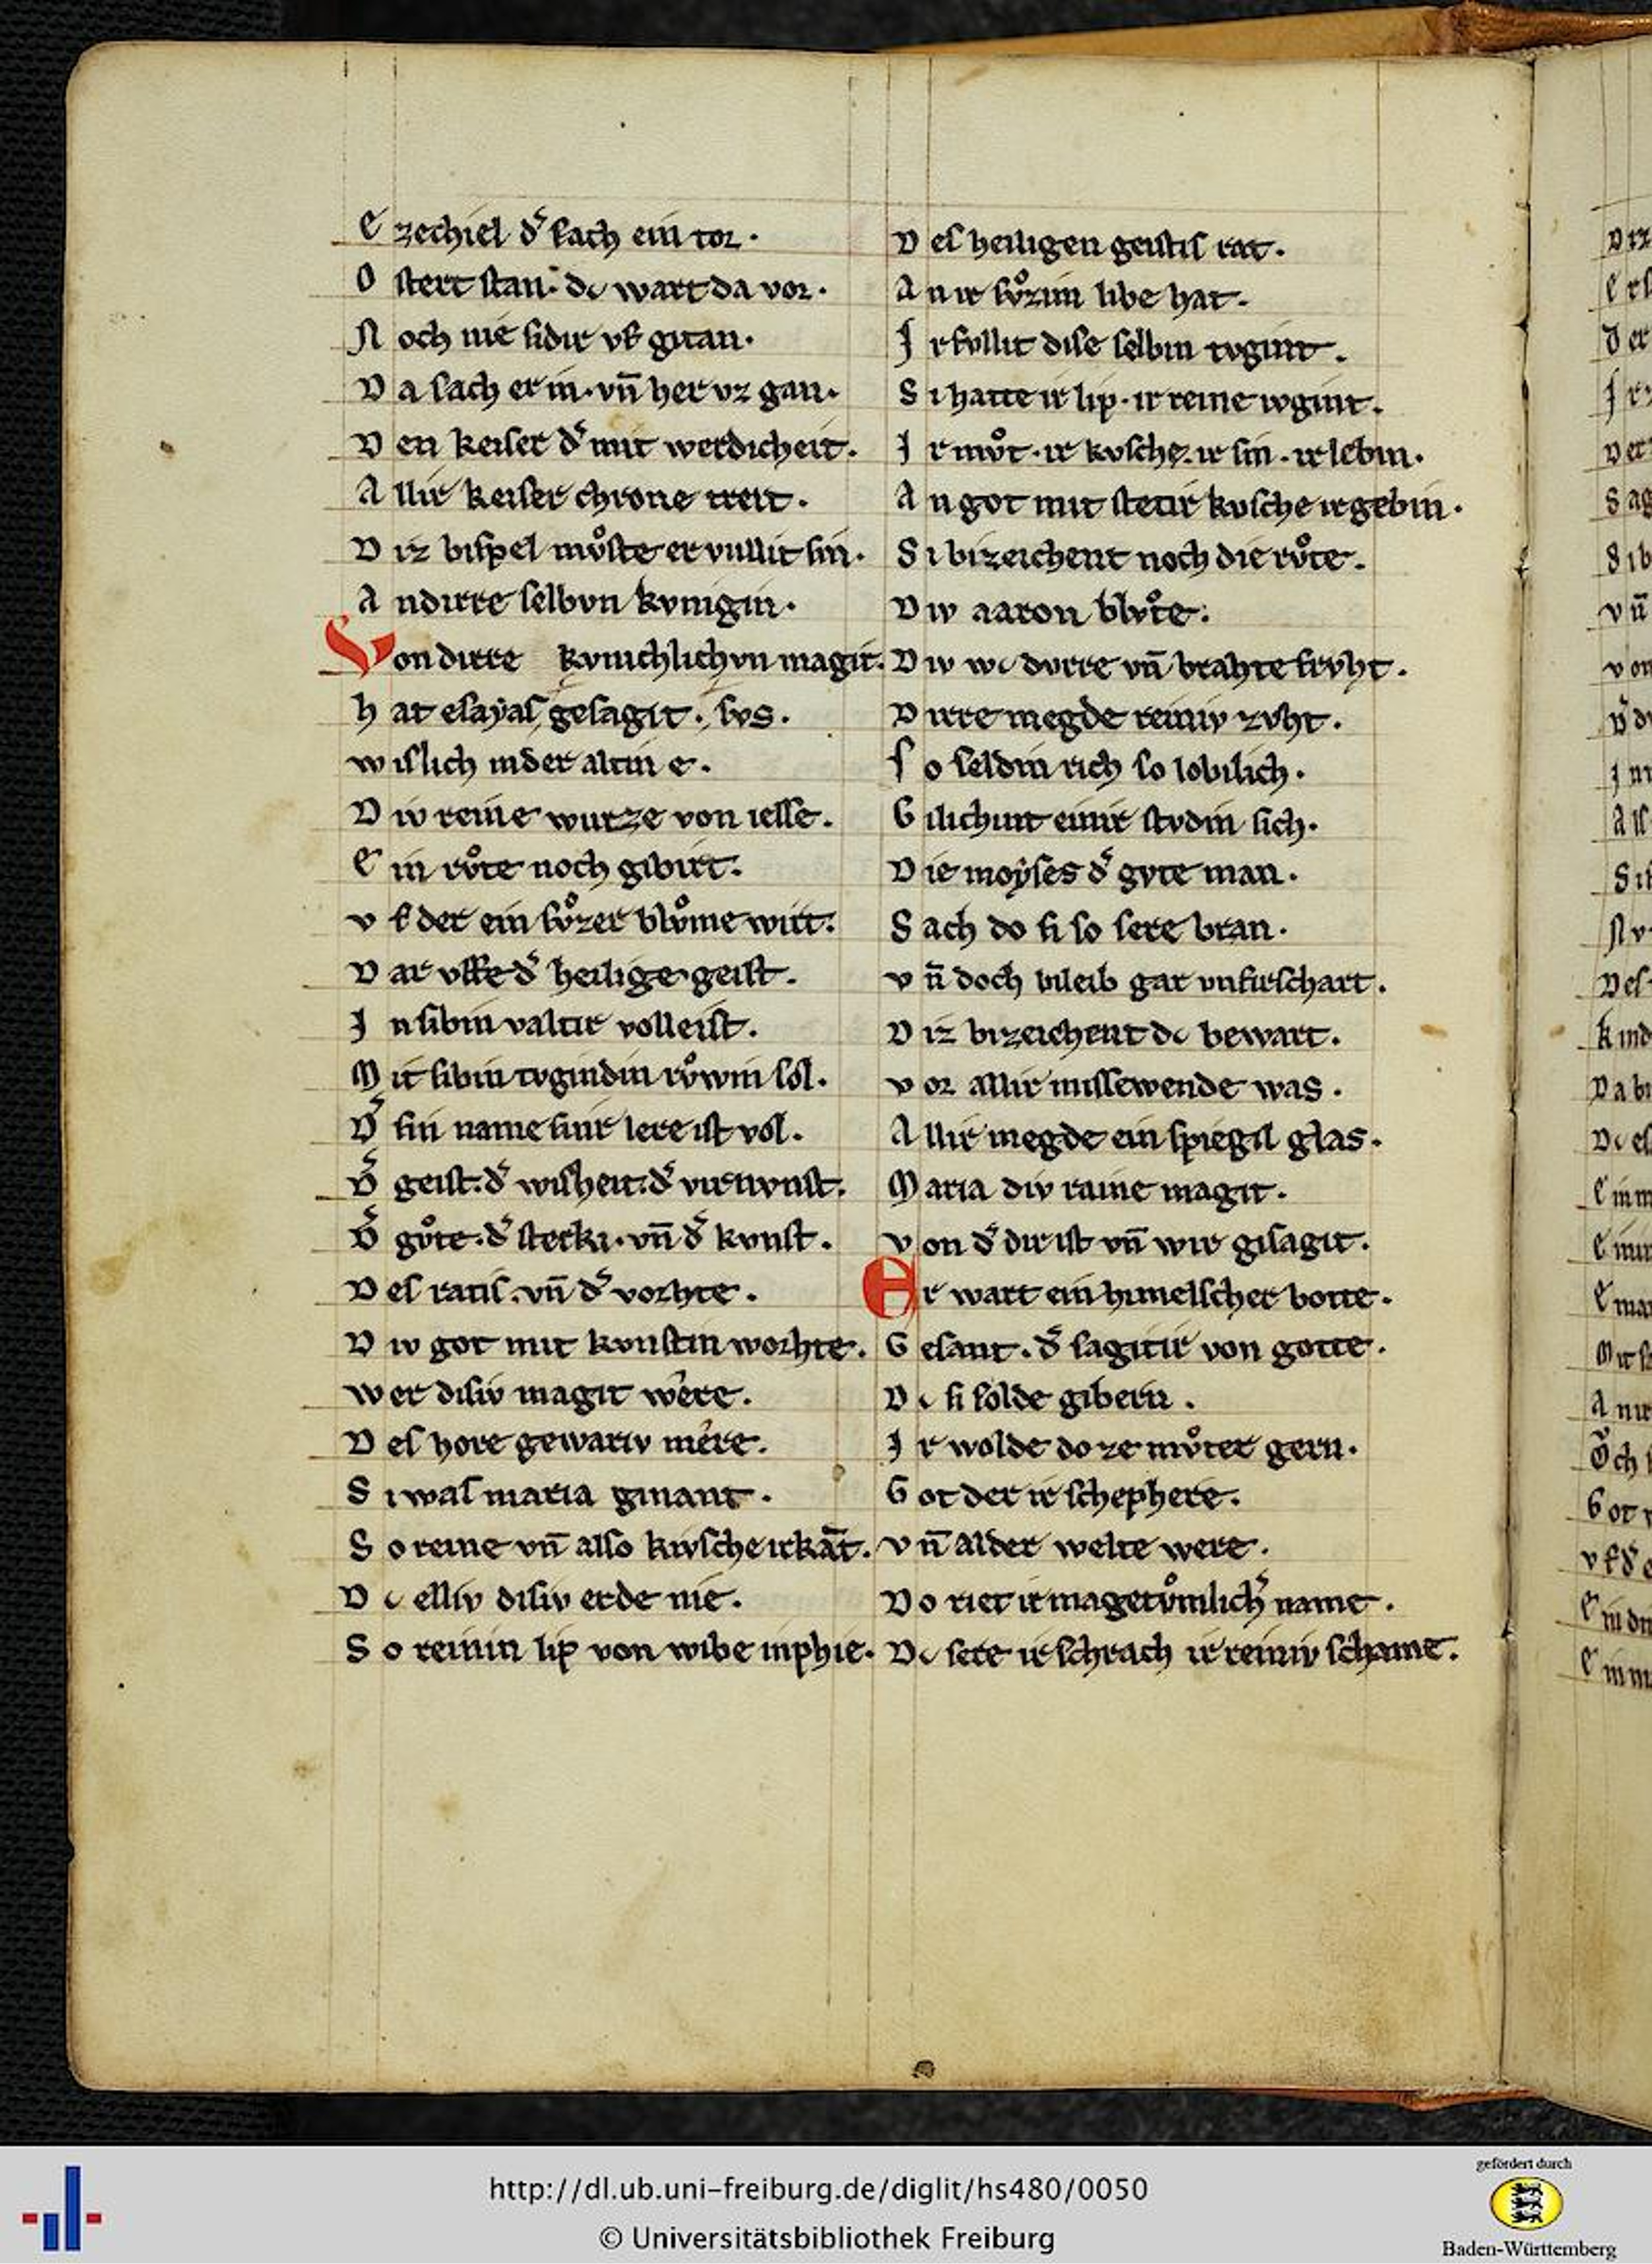Ezechiel d(er) ſach ein tor.
Oſtert ſtan. d(az) wart da vor.
Noch nie ſidir vf gitan.
Da ſach er in. vn(d) her vz gan.
Den keiſer d(er) mit werdicheit.
Allir keiſer chrone treit.
Diz biſpel mv°oſter vullit ſin.
Andirre ſelbvn kvnigin.
*Von dirre kvnichlichvn magit.
Hat eſayaſ °(+) geſagit. °(+) ſvs.
Wiſlich in der altin e.
Div reine wurze von ieſſe.
Ein rv°ote noch gibirt.
Vf der ein ſv°ozer blv°ome wirt.
Dar vffe d(er) heilige geiſt.
In ſibin valtir volleiſt.
Mit ſibin tugindin rv°owin ſol.
D(er) ſin name ſinr lere iſt vol.
D(er) geiſt. d(er) wiſheit. d(er) virnvnſt.
D(er) gv°ote. d(er) ſterki. vn(d) d(er) kvnſt.
Deſ ratiſ. vn(d) d(er) vorhte.
Div got mit kvnſtin worhte.
Wer diſiv magit were.
Deſ hore gewariv mere.
Si waſ maria ginant.
So reine vn(d) alſo kivſche irka(n)t.
D(az) elliv diſiv erde nie.
So reinin lip von wibe inphie.
Deſ heiligen geiſtiſ rat.
An ir ſv°ozin libe hat.
Irfvllit diſe ſelbin tvgint.
Si hatte ir lip. ir reine ivgint.
Ir mv°ot. ir kvſche. ir ſin. ir lebin.
An got mit ſtetir kvſche irgebin.
Si bizeichent noch die rv°ote.
Div aaron blv°ote.
Div w(az) dvrre vn(d) brahte frvht.
Dirre megde reiniv zvht.
ſo ſeldin rich ſo lobilich.
Gilichint einir ſtvdin ſich.
Die moyſes d(er) gvte man.
Sach do ſi ſo ſere bran.
Vn(d) doch bileib gar vnfirſchart.
Diz bizeichent d(az) bewart.
Vor allir miſſewende was.
Allir megde ein ſpiegil glas.
Maria div raine magit.
Von d(er) dir iſt vn(d) wir giſagit.
*Er wart ein himelſcher botte.
Geſant. D(er) ſagitir von gotte.
D(az) ſi ſolde gibern.
Ir wolde do ze mv°oter gern.
Got der ir ſchephere.
Vn(d) alder welte were.
Do riet ir magetv°omlich(er) name.
D(az) ſere irſchrach ir reiniv ſchame.